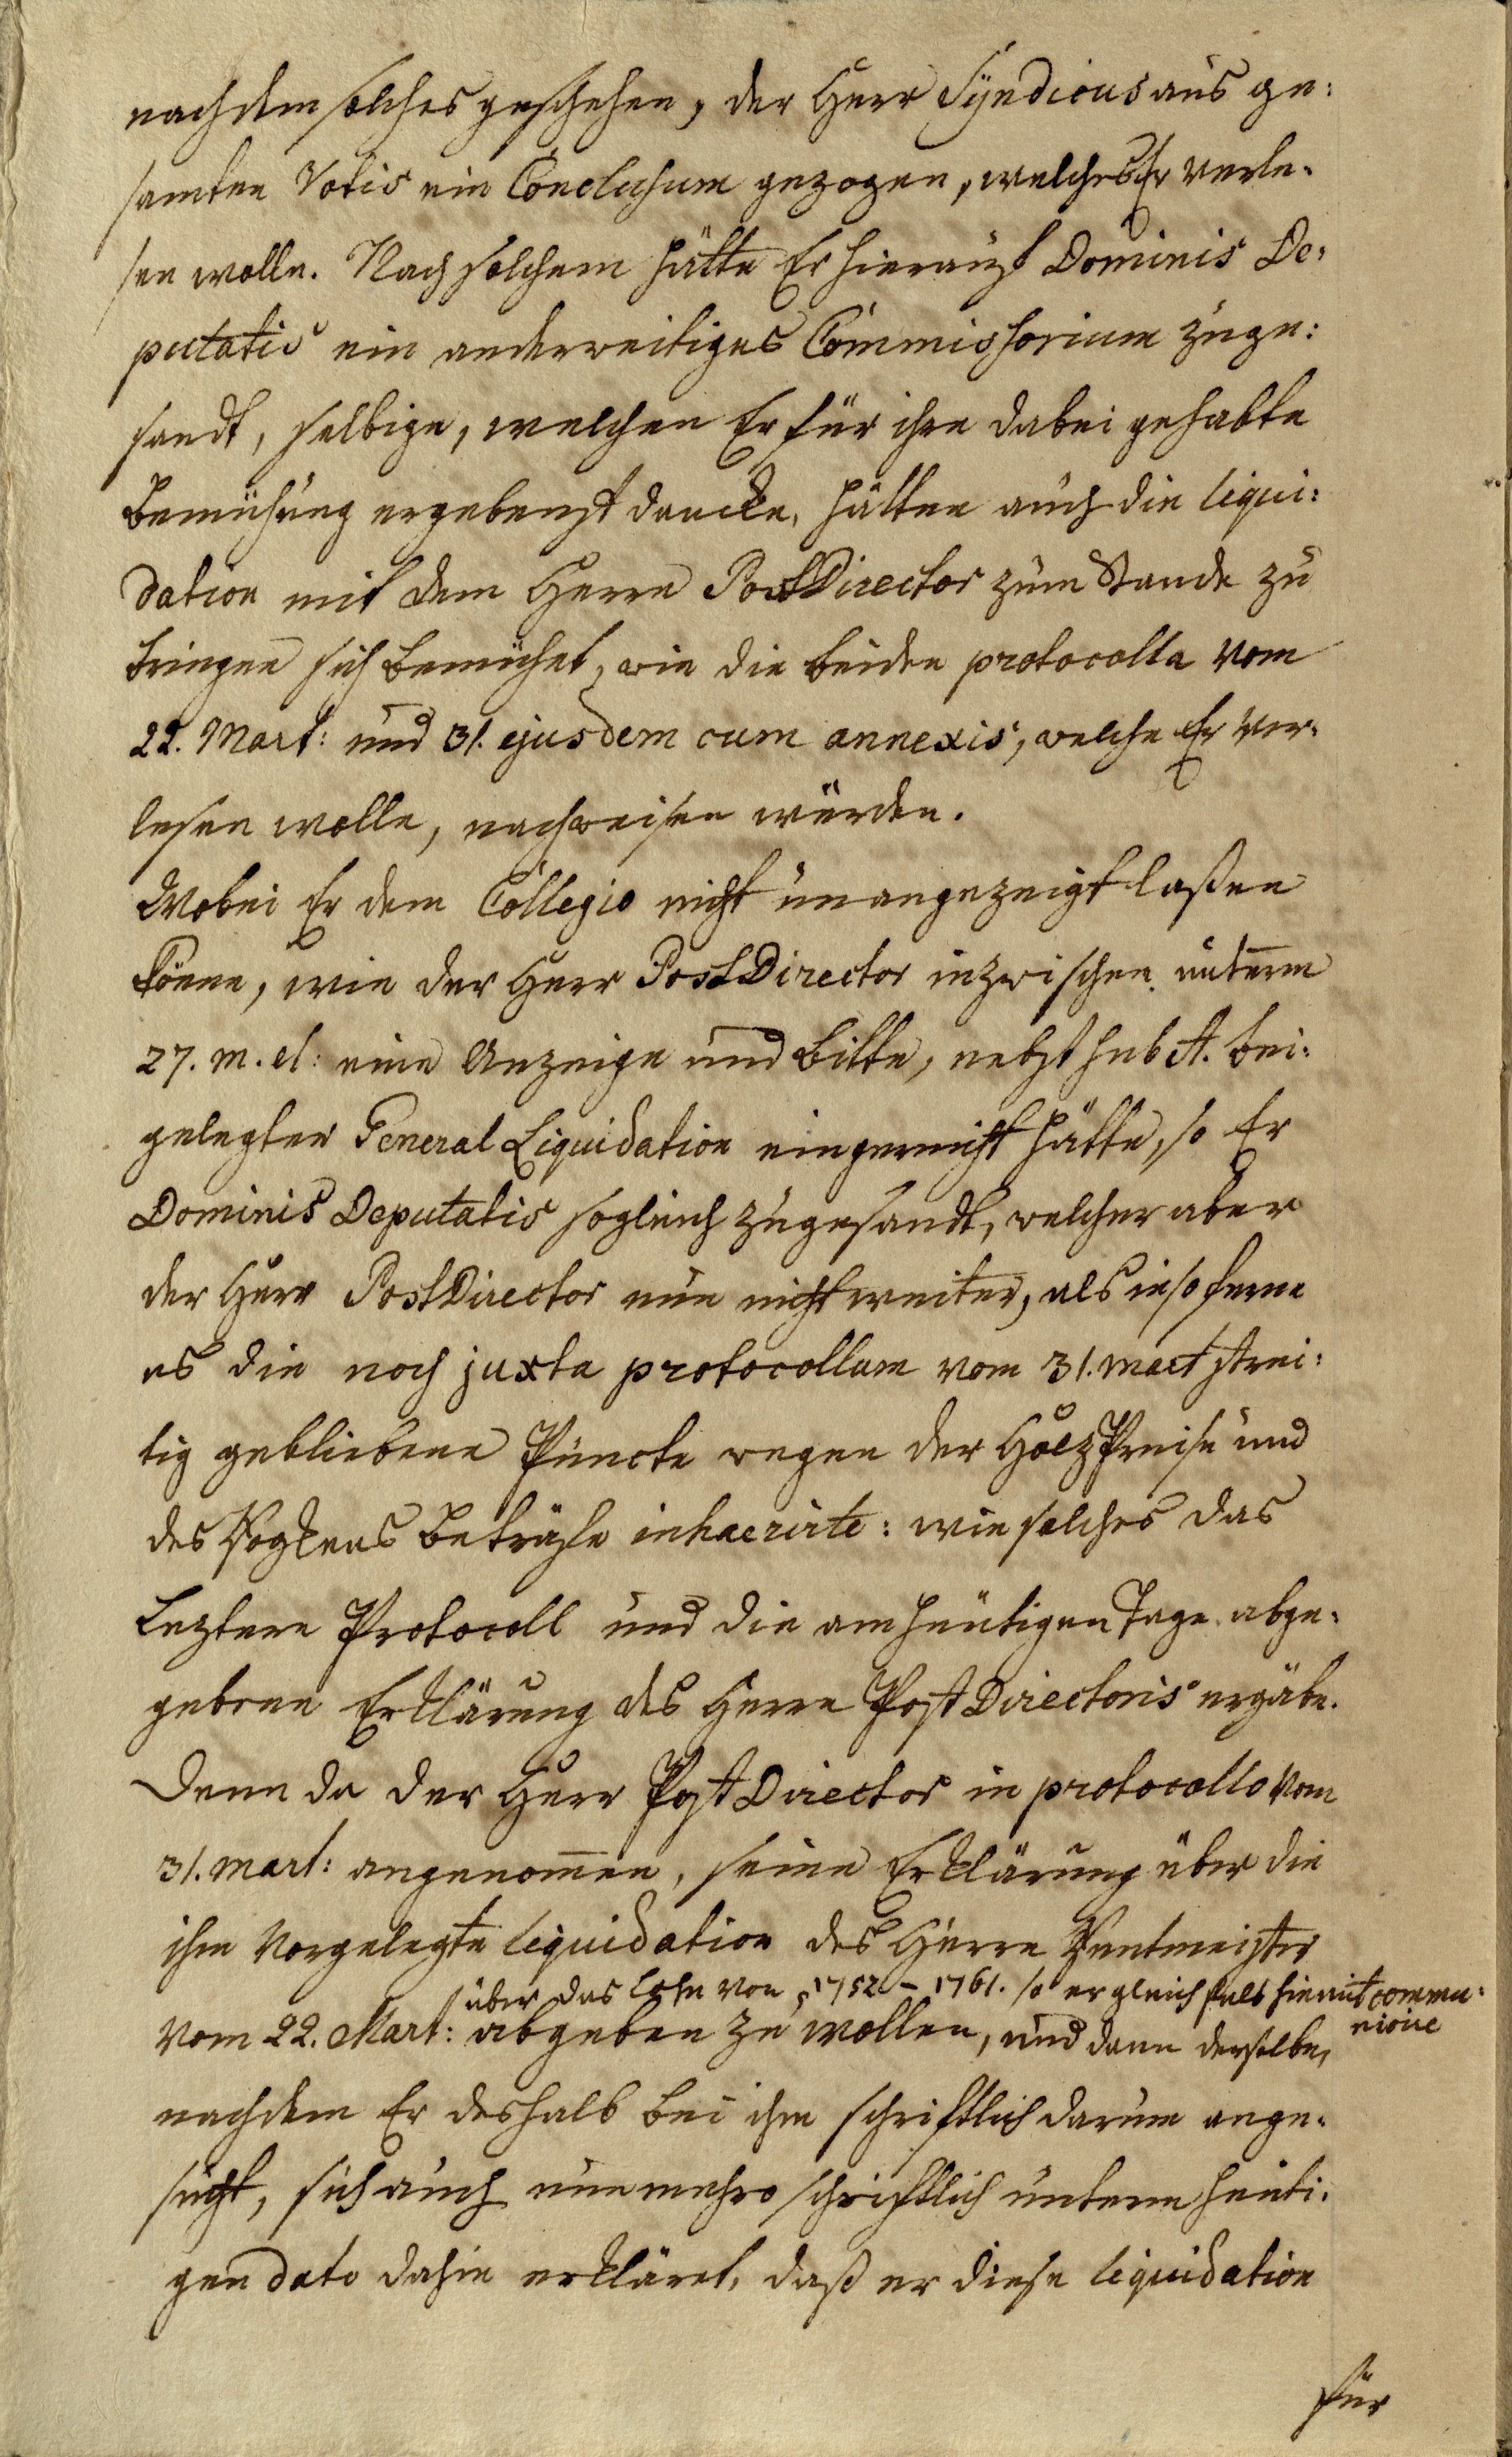nachdem solches geschehen, der Herr Sÿndicus aus ge¬
samten Votis ein Conclusum gezogen, welches Er verle¬
sen wolle. Nach solchem hätte Er hierauf Dominis De¬
putatis ein anderweitiges Commissorium zuge¬
sandt, selbige, welchen Er für ihre dabei gehabte
Bemühung ergebenst danke, hätten auch die liqui¬
dation mit dem Herrn PostDirector zum Stande zu
bringen sich bemühet, wie die beiden protocolle vom
22. Mart. und 31. ejusdem cum annexis, welche Er ver¬
lesen wolle, nachweisen würden.
Wobei Er dem Collegio nicht unangezeigt laßen
könne, wie der Herr PostDirector inzwischen unterm
27. m el. eine Anzeige und Bitte, nebst sub A. bei¬
gelegter General Liquidation eingereicht hätte, so Er
Dominis Deputatis sogleich zugesandt, welcher aber
der Herr PostDirector nun nicht weiter, als so ferne
es die noch juxta protocollum vom 31. mart strei¬
tig gebliebene Puncte wegen der HolzPreise und
des Rogkens beträfe inhaerirte. wie solches das
leztere Protocoll und die an heutigen Tage abge¬
gebene Erklärung des Herrn Post Directoris ergäbe.
Denn da der Herr Post Director in protocollo vom
31. Mart angenomen, seine Erklärung über die
ihm vorgelegte liquidation des Herrn Rentmeister
über das Lohn von 1752-1761. so er gleich fals hiemit commu¬
nicire
vom 22. Mart. abgeben zu wollen, und dann derselbe
nachdem Er deshalb bei ihm schriftlich darum ange¬
sucht, sich auch nunmehro schriftlich unterm heuti¬
gen dato dahin erkläret, daß er diese liquidation
für